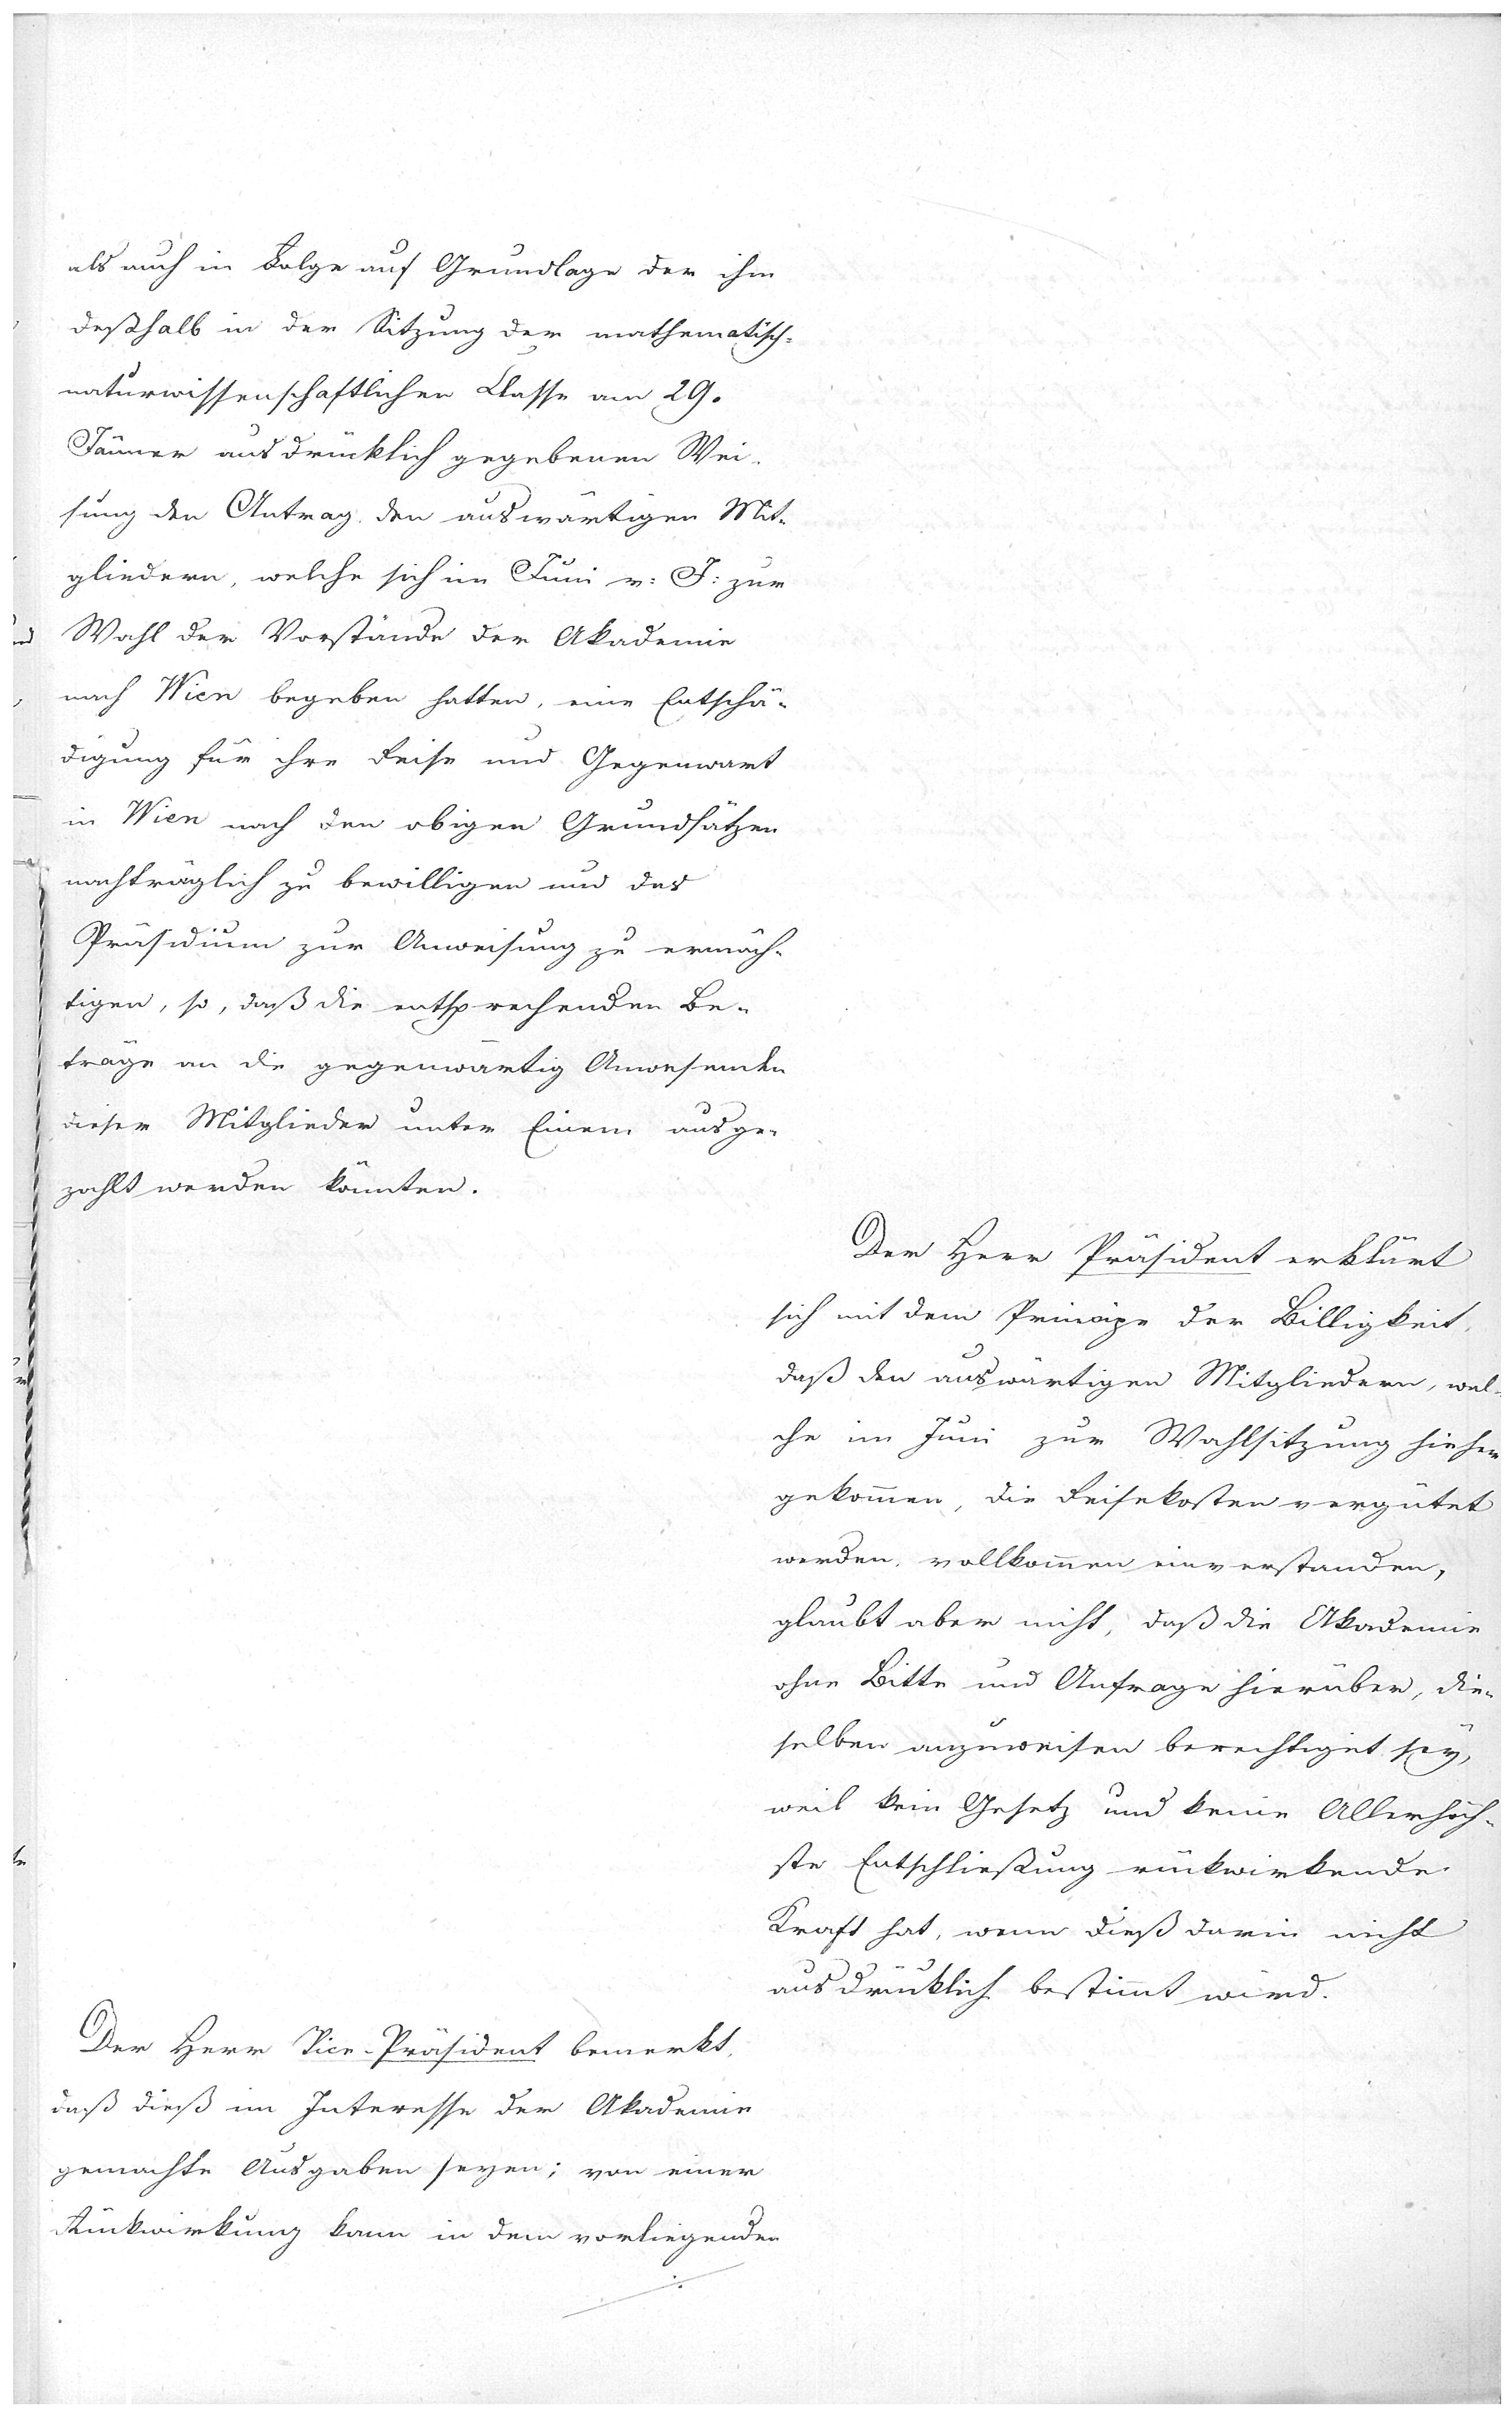als auch in Folge auf Grundlage der ihm
deßhalb in der Sitzung der mathematisch-
naturwissenschaftlichen Classe am 29.
Jänner ausdrücklich gegebenen Wei-
sung den Antrag den auswärtigen Mit-
gliedern, welche sich im Juni v. J. zur
Wahl der Vorstände der Akademie
nach Wien begeben hatten, eine Entschä-
digung für ihre Reise und Gegenwart
in Wien nach den obigen Grundsätzen
nachträglich zu bewilligen und das
Präsidium zur Anweisung ermäch-
tigen, so, daß die entsprechenden Be-
träge an die gegenwärtig Anwesenden
dieser Mitglieder unter Einem ausge-
zahlt werden könnten.
Der Herr Präsident erklärt
sich mit dem Principe der Billigkeit,
daß den auswärtigen Mitgliedern, wel-
che im Juni zur Wahlsitzung hieher-
gekommen, die Reisekosten vergütet
werden, vollkommen einverstanden,
glaubt aber nicht, daß die Akademie
ohne Bitte und Anfrage hierüber, die-
selben anzuweisen berechtigt sey,
weil kein Gesetz und keine Allerhöch-
ste Entschließung rückwirkende
Kraft hat, wenn daß darin nicht
ausdrücklich bestimmt wird.
Der Herr Vice-Präsident bemerkt,
daß dieß im Interesse der Akademie
gemachte Ausgaben seyen; von einer
Rückwirkung kann in dem vorliegenden